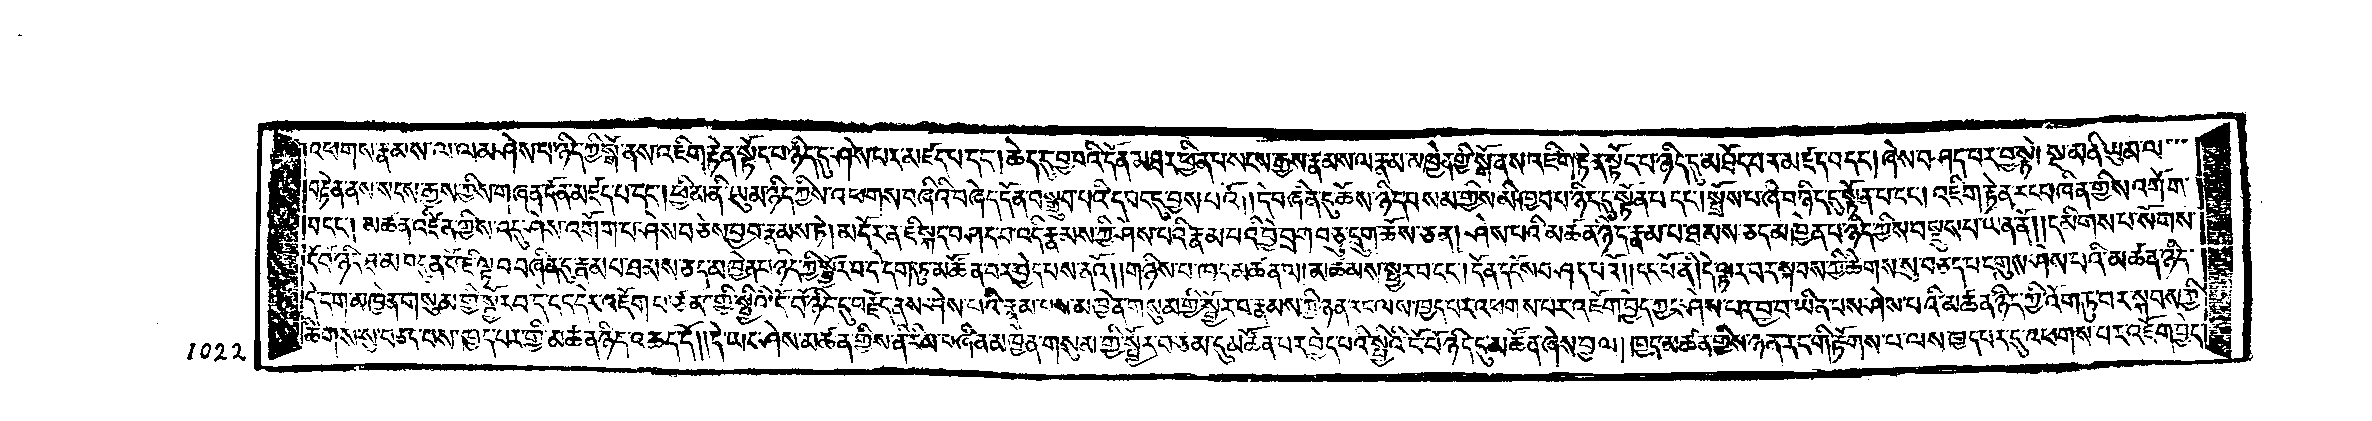འཕགས་རྣམས་ལ་ལམ་ཤེས་པ་ཉིད་ཀྱི་སྒོ་ནས་འཇིག་རྟེན་སྟོང་པ་ཉིད་དུ་ཤེས་པར་མཛད་པ་དང་། ཆེད་དུ་བྱ་བའི་དོན་མཐར་ཕྱིན་པ་སངས་རྒྱས་རྣམས་ལ་རྣམ་མཁྱེན་གྱི་སྒོ་ནས་འཇིག་རྟེན་སྟོང་པ་ཉིད་དུ་མཐོང་བར་མཛད་པ་དང་། ཞེས་བཤད་པར་བྱ་སྟེ། སྔ་མ་ནི་ཡུམ་ལ་
བརྟེན་ནས་སངས་རྒྱས་ཀྱིས་གཞན་དོན་མཛད་པ་དང་། ཕྱི་མ་ནི་ཡུམ་ཉིད་ཀྱིས་འཕགས་བཞིའི་བཞེད་དོན་བསྒྲུབ་པའི་དབང་དུ་བྱས་པའོ། །དེ་བཞིན་དུ་ཆོས་ཉིད་བསམ་གྱིས་མི་ཁྱབ་པ་ཉིད་དུ་སྟོན་པ་དང་། སྤྲོས་པ་ཞི་བ་ཉིད་དུ་སྟོན་པ་དང་། འཇིག་རྟེན་རང་བཞིན་གྱིས་འགོག་
བ་དང་། མཚན་འཛིན་གྱིས་འདུ་ཤེས་འགོག་པ་ཤེས་བ་ཅེས་བྱ་བ་རྣམས་ཏེ། མདོར་ན་ཇི་སྐད་བཤད་པ་འདི་རྣམས་ཀྱི་ཤེས་པའི་རྣམ་པའི་བྱེ་བྲག་བཅུ་དྲུག་ཆོས་ཅན། ཤེས་པའི་མཚན་ཉིད་རྣམ་པ་ཐམས་ཅད་མཁྱེན་པ་ཉིད་ཀྱིས་བསྡུས་པ་ཡིན་ནོ། །དམིགས་པ་སོགས་
ངོ་བོ་ཉིད་ཐ་མ་བདུན་པོ་ཇི་ལྟ་བ་བཞིན་དུ་རྣམ་པ་ཐམས་ཅད་མཁྱེན་པ་ཉིད་ཀྱི་སྦྱོར་བ་དེ་དག་ཏུ་མཚོན་པར་བྱེད་པས་ནའོ། །གཉིས་པ་ཁྱད་མཚན་ལ། མཚམས་སྦྱར་བ་དང་། དོན་དངོས་བཤད་པའོ། །དང་པོ་ནི། དེ་ལྟར་བར་སྐབས་ཀྱི་ཚིགས་སུ་བཅད་པ་དགུས་ཤེས་པའི་མཚན་ཉིད་
དེ་དག་མཁྱེན་གསུམ་གྱི་སྦྱོར་བ་དེ་དང་དེར་འཇོག་པ་ཙམ་གྱི་སྤྱིའི་ངོ་བོ་ཉིད་དུ་བརྗོད་ནས་ཤེས་པའི་རྣམ་པས་མཁྱེན་གསུམ་གྱི་སྦྱོར་བ་རྣམས་ཀྱི་ཉན་རང་ལས་ཁྱད་པར་འཕགས་པར་འཇོག་བྱེད་ཀྱང་ཤེས་པར་བྱ་བ་ཡིན་པས་ཤེས་པའི་མཚན་ཉིད་ཀྱི་འོག་ཏུ་བར་སྐབས་ཀྱི་
ཚིགས་སུ་བཅད་པས་ཁྱད་པར་གྱི་མཚན་ཉིད་འཆད་དོ། །དེ་ཡང་ཤེས་མཚན་གྱིས་ནི་རིམ་བཞིན་མཁྱེན་གསུམ་གྱི་སྦྱོར་བ་ཙམ་དུ་མཚོན་པར་བྱེད་པའི་སྤྱིའི་ངོ་བོ་ཉིད་དུ་མཚོན་ཞེས་བྱ་ལ། ཁྱད་མཚན་གྱིས་ཉན་རང་གི་རྟོགས་པ་ལས་ཁྱད་པར་དུ་འཕགས་པར་འཇོག་བྱེད་